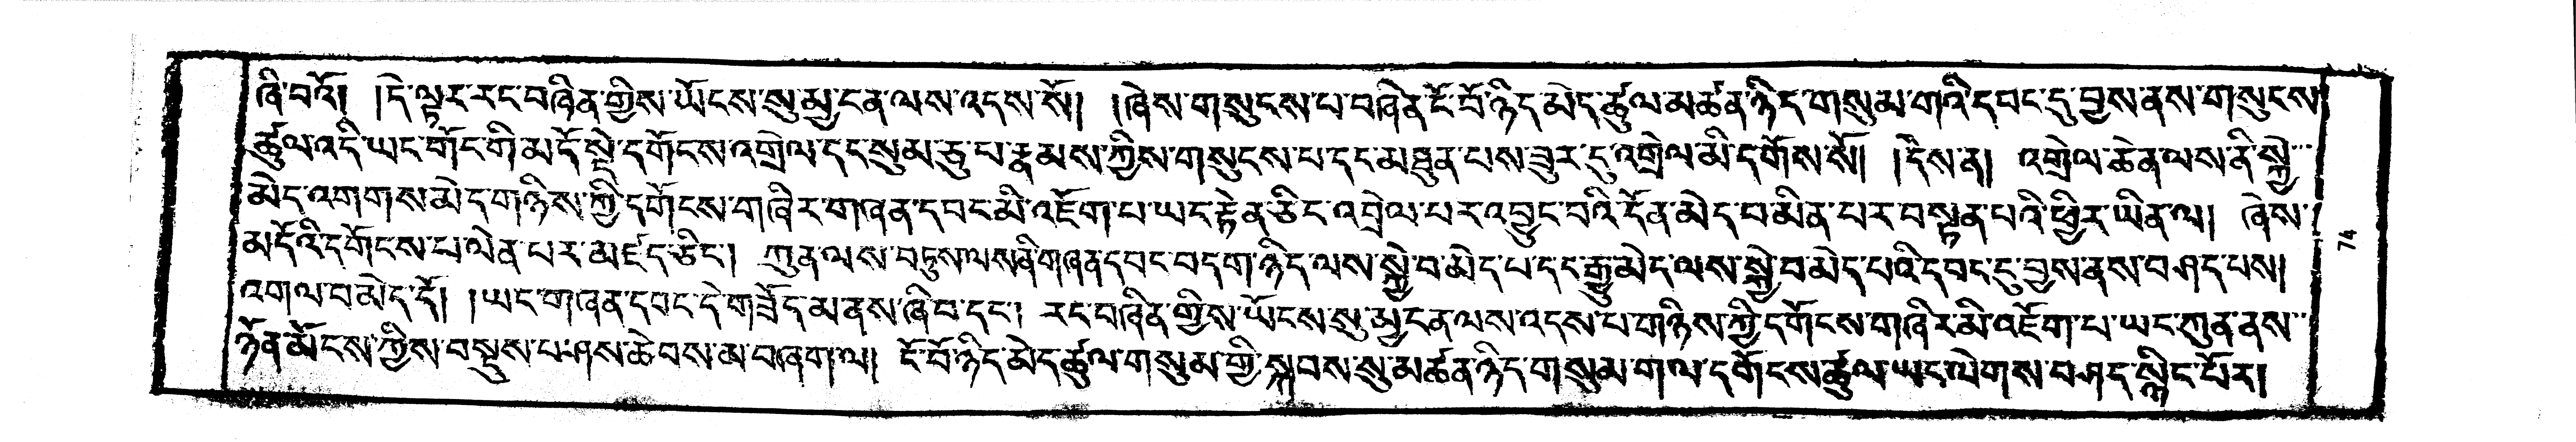ཞི་བའོ། །དེ་ལྟར་རང་བཞིན་གྱིས་ཡོངས་སུ་མྱ་ངན་ལས་འདས་སོ། །ཞེས་གསུངས་པ་བཞིན་ངོ་བོ་ཉིད་མེད་ཚུལ་མཚན་ཉིད་གསུམ་གའི་དབང་དུ་བྱས་ནས་གསུངས་
ཚུལ་འདི་ཡང་གོང་གི་མདོ་སྡེ་དགོངས་འགྲེལ་དང་སུམ་ཅུ་པ་རྣམས་ཀྱིས་གསུངས་པ་དང་མཐུན་པས་ཟུར་དུ་འགྲེལ་མི་དགོས་སོ། །དེས་ན། འགྲེལ་ཆེན་ལས་ནི་སྐྱེ་
མེད་འགགས་མེད་གཉིས་ཀྱི་དགོངས་གཞིར་གཞན་དབང་མི་འཇོག་པ་ཡང་རྟེན་ཅིང་འབྲེལ་པར་འབྱུང་བའི་དོན་མེད་པ་མིན་པར་བསྟན་པའི་ཕྱིར་ཡིན་ལ། ཞེས་
མདོའི་དགོངས་པ་ལེན་པར་མཛད་ཅིང་། ཀུན་ལས་བཏུས་ལས་ནི་གཞན་དབང་བདག་ཉིད་ལས་སྐྱེ་བ་མེད་པ་དང་རྒྱུ་མེད་ལས་སྐྱེ་བ་མེད་པའི་དབང་དུ་བྱས་ནས་བཤད་པས།
འགལ་བ་མེད་དོ། །ཡང་གཞན་དབང་དེ་གཟོད་མ་ནས་ཞི་བ་དང་། རང་བཞིན་གྱིས་ཡོངས་སུ་མྱ་ངན་ལས་འདས་པ་གཉིས་ཀྱི་དགོངས་གཞིར་མི་འཇོག་པ་ཡང་ཀུན་ནས་
ཉོན་མོངས་ཀྱིས་བསྡུས་པ་ཤས་ཆེ་བས་མ་བཞག་ལ། ངོ་བོ་ཉིད་མེད་ཚུལ་གསུམ་གྱི་སྐབས་སུ་མཚན་ཉིད་གསུམ་ག་ལ་དགོངས་ཚུལ་ཡང་ལེགས་བཤད་སྙིང་པོར་